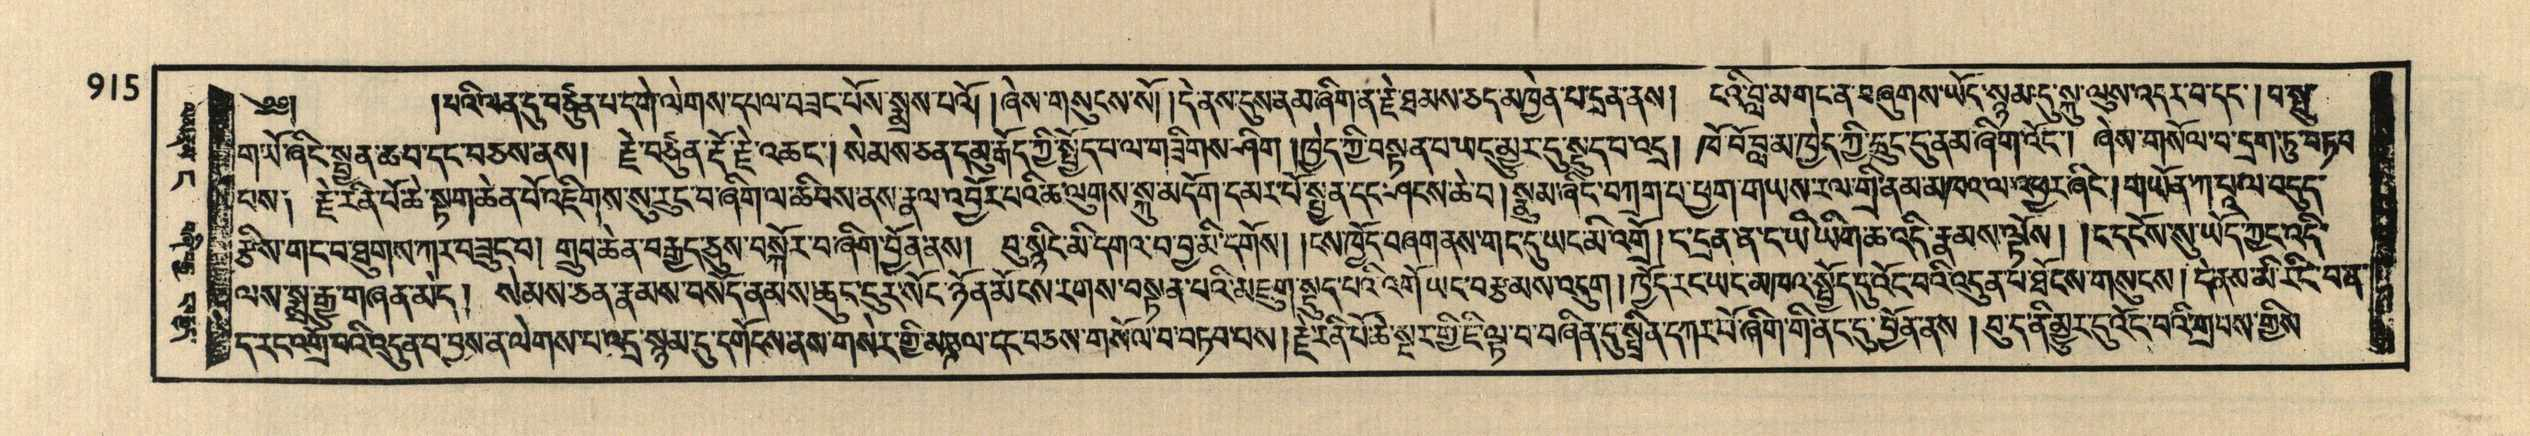༄༅། །པའི་ལན་དུ་བཙུན་པ་དགེ་ལེགས་དཔལ་བཟང་པོས་སྨྲས་པའོ། །ཞེས་གསུངས་སོ། །དེ་ནས་དུས་ནམ་ཞིག་ན་རྗེ་ཐམས་ཅད་མཁྱེན་པ་དྲན་ནས། ངའི་བླ་མ་གང་ན་བཞུགས་ཡོད་སྙམ་དུ་སྐུ་ལུས་འདར་བ་དང་། བ་སྤུ་
གཡོ་ཞིང་སྤྱན་ཆབ་དང་བཅས་ནས། རྗེ་བཙུན་རྡོ་རྗེ་འཆང་། སེམས་ཅན་དམུ་རྒོད་ཀྱི་སྤྱོད་པ་ལ་གཟིགས་ཤིག །ཁྱེད་ཀྱི་བསྟན་པ་ཡང་མྱུར་དུ་སྡུད་པ་འདྲ། ཁོ་བོ་བླ་མ་ཁྱེད་ཀྱི་དྲུང་དུ་ནམ་ཞིག་འོང་། ཞེས་གསོལ་བ་དྲག་ཏུ་བཏབ་
པས༑ རྗེ་རིན་པོ་ཆེ་སྟག་ཆེན་པོ་འཇིགས་སུ་རུང་བ་ཞིག་ལ་ཆིབས་ནས་རྣལ་འབྱོར་པའི་ཆ་ལུགས་སྐུ་མདོག་དམར་པོ་སྤྱན་དང་ཤངས་ཆེ་བ། སྣུམ་ཞིང་བཀྲག་པ་ཕྱག་གཡས་རལ་གྲི་ནམ་མཁའ་ལ་འཕྱར་ཞིང་། གཡོན་ཀ་པཱ་ལ་བདུད་
རྩིས་གང་བ་ཐུགས་ཀར་བཟུང་བ། གྲུབ་ཆེན་བརྒྱད་ཅུས་བསྐོར་བ་ཞིག་བྱོན་ནས། བུ་སྙིང་མི་དགའ་བ་བྱ་མི་དགོས། །ངས་ཁྱོད་བཞག་ནས་གང་དུ་ཡང་མི་འགྲོ། ང་དྲན་ན་ང་ཡི་ཡིག་ཆ་འདི་རྣམས་ལྟོས། །ང་དངོས་སུ་ཡོད་ཀྱང་འདི་
ལས་སྨྲ་རྒྱུ་གཞན་མེད། སེམས་ཅན་རྣམས་བསོད་ནམས་ཆུང་ངུར་སོང་ཉོན་མོངས་རགས་བསྟན་པའི་མཇུག་སྡུད་པའི་འགོ་ཡང་བརྩམས་འདུག །ཁྱོད་རང་ཡང་མཁའ་སྤྱོད་དུ་འོང་བའི་འདུན་པ་ཐོངས་གསུངས། དེ་ནས་མི་རིང་བ་ན་
ད་རང་འགྲོ་བའི་འདུན་པ་བྱས་ན་ལེགས་པ་འདྲ་སྙམ་དུ་དགོངས་ནས་གསེར་གྱི་མཎྜལ་དང་བཅས་གསོལ་བ་བཏབ་པས། རྗེ་རིན་པོ་ཆེ་སྔར་གྱི་ཇི་ལྟ་བ་བཞིན་དུ་སྤྲིན་དཀར་པོ་ཞིག་གི་ནང་དུ་བྱོན་ནས། བུ་ད་ནི་མྱུར་དུ་འོང་བའི་གྲབས་གྱིས་